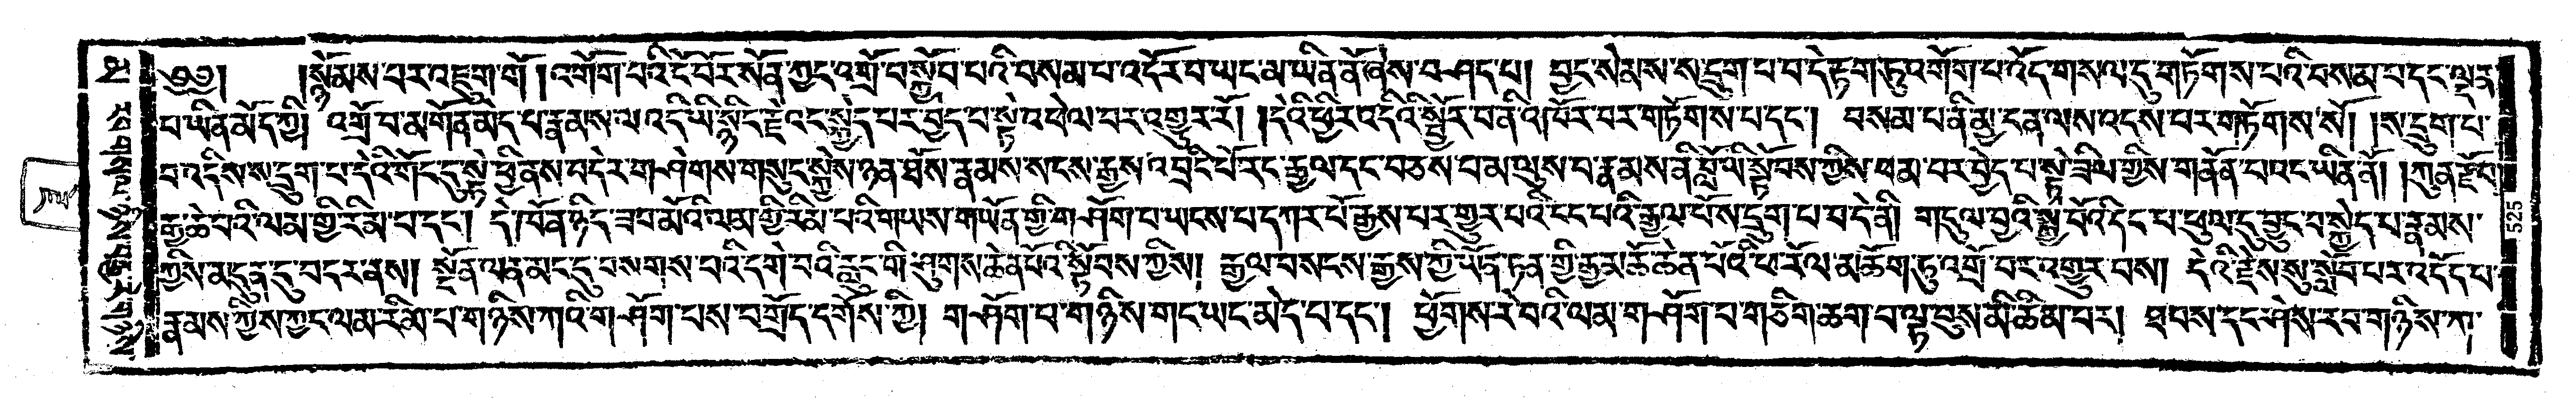༄༅། །སྙོམས་པར་འཇུག་གོ །འགོག་པའི་ངོ་བོར་སོན་ཀྱང་འགྲོ་བ་སྐྱོབ་པའི་བསམ་པ་འདོར་བ་ཡང་མ་ཡིན་ནོ་ཞེས་བཤད་པ། བྱང་སེམས་ས་དྲུག་པ་བ་དེ་རྟག་ཏུ་འགོག་པ་འོད་གསལ་དུ་གཏོགས་པའི་བསམ་པ་དང་ལྡན་
པ་ཡིན་མོད་ཀྱི། འགྲོ་བ་མགོན་མེད་པ་རྣམས་ལ་འདི་ཡི་སྙིང་རྗེའང་སྐྱེད་པར་བྱེད་པ་སྟེ་འཕེལ་བར་འགྱུར་རོ། །དེའི་ཕྱིར་འདིའི་སྦྱོར་བ་ནི་འཁོར་བར་གཏོགས་པ་དང་། བསམ་པ་ནི་མྱ་ངན་ལས་འདས་པར་གཏོགས་སོ། །ས་དྲུག་པ་
བ་འདིས་ས་དྲུག་པ་དེའི་གོང་དུ་སྟེ་ཕྱི་ནས་བདེར་གཤེགས་གསུང་སྐྱེས་ཉན་ཐོས་རྣམས་སངས་རྒྱས་འབྲིང་པོ་རང་རྒྱལ་དང་བཅས་པ་མ་ལུས་པ་རྣམས་ནི་བློ་ཡི་སྟོབས་ཀྱིས་ཕམ་པར་བྱེད་པ་སྟེ་ཟིལ་གྱིས་གནོན་པའང་ཡིན་ནོ། །ཀུན་རྫོབ་
རྒྱ་ཆེ་བའི་ལམ་གྱི་རིམ་པ་དང་། དེ་ཁོ་ན་ཉིད་ཟབ་མོའི་ལམ་གྱི་རིམ་པའི་གཡས་གཡོན་གྱི་གཤོག་པ་ཡངས་པ་དཀར་པོ་རྒྱས་པར་གྱུར་པའི་ངང་བའི་རྒྱལ་པོ་ས་དྲུག་པ་བ་དེ་ནི། གདུལ་བྱའི་སྐྱེ་བོའི་ངང་པ་ཕུལ་དུ་བྱུང་བ་སྐྱེད་པ་རྣམས་
ཀྱིས་མདུན་དུ་བདར་ནས། སྔོན་ལན་མང་དུ་བསགས་པའི་དགེ་བའི་རླུང་གི་ཤུགས་ཆེན་པོའི་སྟོབས་ཀྱིས། རྒྱལ་བ་སངས་རྒྱས་ཀྱི་ཡོན་ཏན་གྱི་རྒྱ་མཚོ་ཆེན་པོའི་ཕ་རོལ་མཆོག་ཏུ་འགྲོ་བར་འགྱུར་བས། དེའི་རྗེས་སུ་སློབ་པར་འདོད་པ་
རྣམས་ཀྱིས་ཀྱང་ལམ་རིམ་པ་གཉིས་ཀའི་གཤོག་པས་བགྲོད་དགོས་ཀྱི། གཤོག་པ་གཉིས་གང་ཡང་མེད་པ་དང་། ཕྱོགས་རེ་བའི་ལམ་གཤོག་པ་གཅིག་ཆག་པ་ལྟ་བུས་མི་ཚིམ་པར། ཐབས་དང་ཤེས་རབ་གཉིས་ཀ་